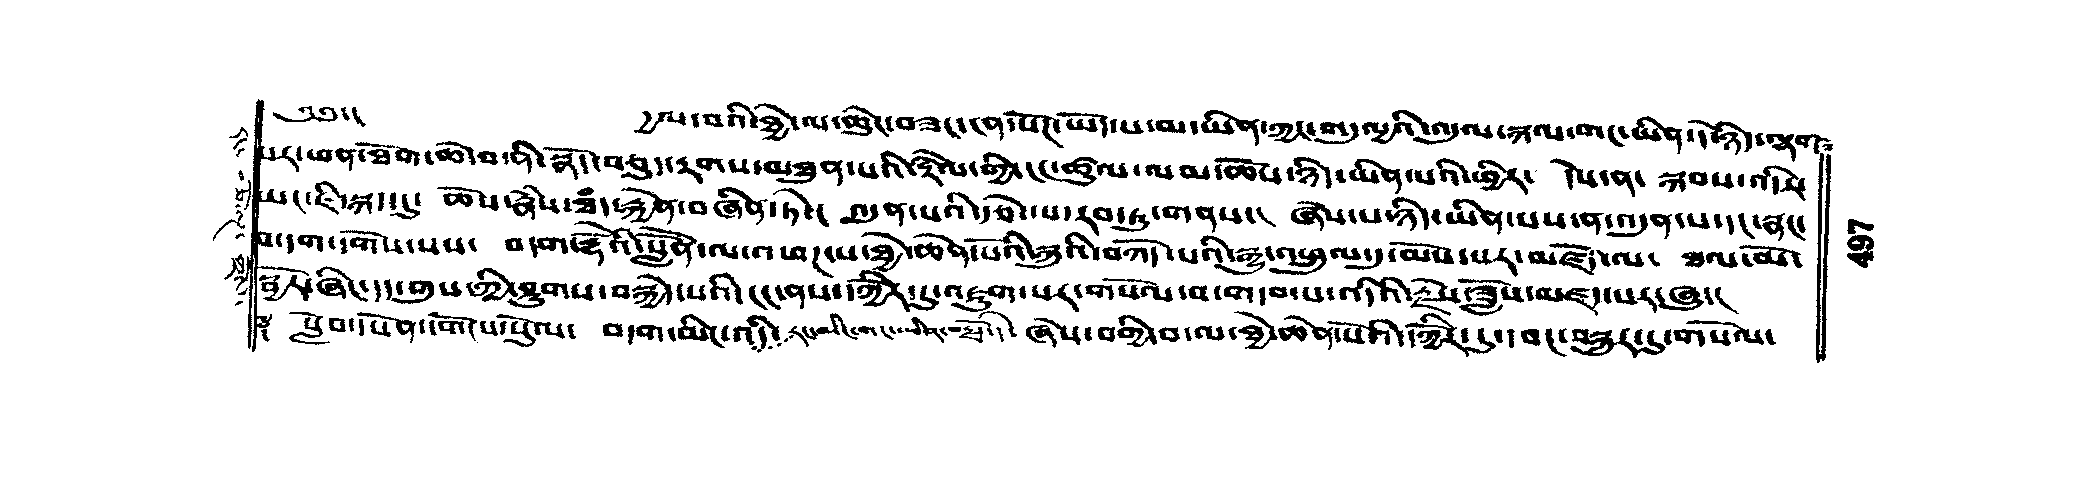རྒྱལ་བའི་ཐུགས་རྗེ་ལ་ཆེ་ཆུང་བཟང་ངན་སོགས་ཡོད་པ་མ་ཡིན་ཡང་གདུལ་བྱའི་གདུལ་སྐལ་གང་ཡིན་དེ་ཉིད་ལྷག་
པར་ཕན་ཐོག་ཆེ་བ་ནི་སྣོད་བཅུད་རྟགས་མཐུན་པའི་རྟེན་འབྲེལ་གྱི་ངང་ཚུལ་ལམ་ཆོས་ཉིད་ཡིན་པའི་ཕྱིར། དེས་ན་སྐབས་འདིར་
ཡང་ཇི་སྐད་དུ། ཆོས་རྣམས་ཐམས་ཅད་རྐྱེན་ཡིན་ཏེ། །འདུན་པའི་རྩེ་ལ་རབ་ཏུ་གནས། ཞེས་པ་ཉིད་ཡིན་པས་ན་འདུན་པ་དང་སྣང་
བ་དག་དགོས་པས། བདག་རྡོ་རྗེའི་སློབ་དཔོན་ལ་འཕགས་པ་ཐུགས་རྗཻ་ཆེན་པཽའི་སྐུའི་བཀོད་པའི་སྒྱུ་འཕྲུལ་དུ་མོས་པར་མཛོད་ལ། ཐལ་མོ་
སྦྱོར་ཞིང་དད་གུས་ཀྱི་ཤུགས་བསྐྱེད་པའི་ངང་ནས་དཀྱིལ་འཁོར་དུ་འཇུག་པར་གསོལ་བ་གདབ་པ་འདིའི་རྗེས་ཟློས་མཛད་པར་ཞུ།
སློབ་དཔོན་དགོངས་སུ་གསོལ། བདག་མིང་འདི་ཞེས་བགྱིས་པ་ལ་ཐུགས་རྗེ་ཆེན་པོའི་དཀྱིལ་འཁོར་དུ་དབང་བསྐུར་དུ་གསོལ།